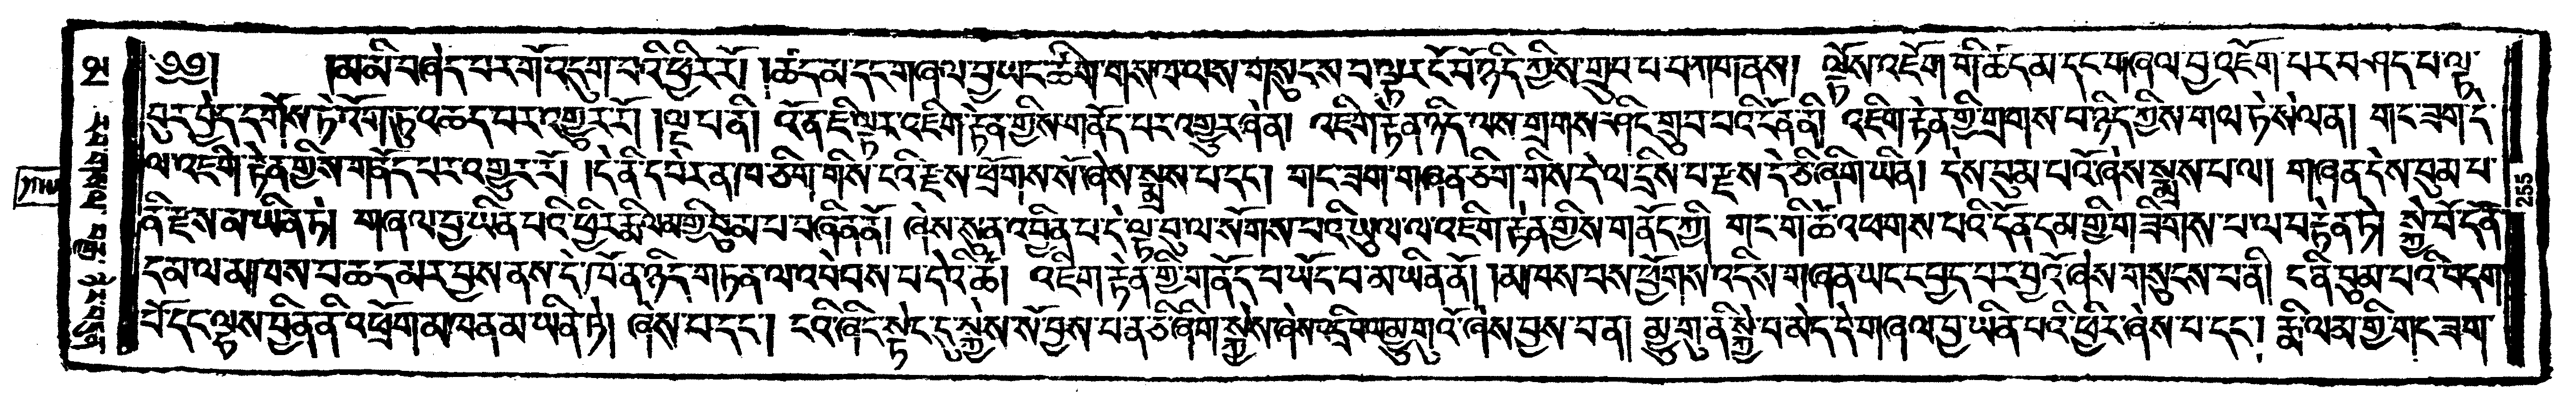༄༅། །མ་མི་བཞེད་པར་གོ་འདུག་པའི་ཕྱིར་རོ། །ཚད་མ་དང་གཞལ་བྱ་ཡང་ཚིག་གསལ་ལས་གསུངས་པ་ལྟར་ངོ་བོ་ཉིད་ཀྱིས་གྲུབ་པ་བཀག་ནས། ལྟོས་འཇོག་གི་ཚད་མ་དང་གཞལ་བྱ་འཇོག་པར་བཤད་པ་ལྟ་
བུར་བྱེད་དགོས་ཏེ་འོག་ཏུ་འཆད་པར་འགྱུར་རོ། །ལྔ་པ་ནི། འོ་ན་ཇི་ལྟར་འཇིག་རྟེན་གྱིས་གནོད་པར་འགྱུར་ཞེ་ན། འཇིག་རྟེན་ཉིད་ལས་གྲགས་ཤིང་གྲུབ་པའི་དོན་ནི། འཇིག་རྟེན་གྱི་གྲགས་པ་ཉིད་ཀྱིས་གལ་ཏེ་སེལ་ན། གང་ཟག་དེ་
ལ་འཇིག་རྟེན་གྱིས་གནོད་པར་འགྱུར་རོ། །དེ་ནི་དཔེར་ན་ཁ་ཅིག་གིས་ངའི་རྫས་ཕྲོགས་སོ་ཞེས་སྨྲས་པ་དང་། གང་ཟག་གཞན་ཅིག་གིས་དེ་ལ་དྲིས་པ་རྫས་དེ་ཅི་ཞིག་ཡིན། དེས་བུམ་པའོ་ཞེས་སྨྲས་པ་ལ། གཞན་དེས་བུམ་པ་
ནི་རྫས་མ་ཡིན་ཏེ། གཞལ་བྱ་ཡིན་པའི་ཕྱིར་རྨི་ལམ་གྱི་བུམ་པ་བཞིན་ནོ། ཞེས་སུན་འབྱིན་པ་དེ་ལྟ་བུ་ལ་སོགས་པའི་ཡུལ་ལ་འཇིག་རྟེན་གྱིས་གནོད་ཀྱི། གང་གི་ཚེ་འཕགས་པའི་དོན་དམ་གྱི་གཟིགས་པ་ལ་བརྟེན་ཏེ། སྐྱེ་བོ་དོན་
དམ་ལ་མཁས་པ་ཚད་མར་བྱས་ནས་དེ་ཁོ་ན་ཉིད་གཏན་ལ་འབེབས་པ་དེའི་ཚེ། འཇིག་རྟེན་གྱི་གནོད་པ་ཡོད་པ་མ་ཡིན་ནོ། །མཁས་པས་ཕྱོགས་འདིས་གཞན་ཡང་དཔྱད་པར་བྱའོ་ཞེས་གསུངས་པ་ནི། ང་ནི་བུམ་པའི་བདག་
པོ་དང་ལྷས་བྱིན་ནི་འཕྲོག་མཁན་མ་ཡིན་ཏེ། ཞེས་པ་དང་། ངའི་ཞིང་སྟེང་དུ་སྐྱེས་སོ་བྱས་པ་ན་ཅི་ཞིག་སྐྱེས་ཞེས་འདྲི་བ་ལ་མྱུ་གུའོ་ཞེས་བྱས་པ་ན། མྱུ་གུ་ནི་སྐྱེ་བ་མེད་དེ་གཞལ་བྱ་ཡིན་པའི་ཕྱིར་ཞེས་པ་དང་། རྨི་ལམ་གྱི་གང་ཟག་